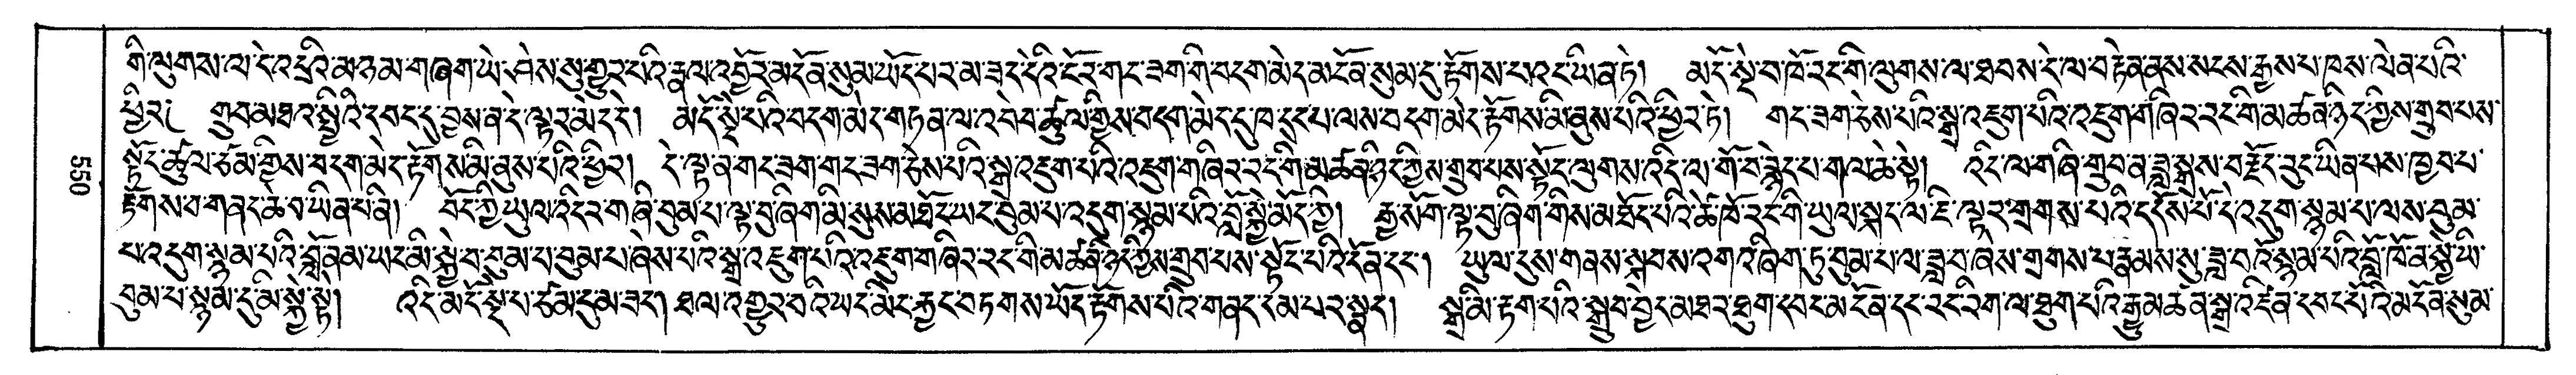གི་ལུགས་ལ་དེ་འདྲའི་མཉམ་གཞིག་ཡེ་ཤེས་སུ་གྱུར་པའི་རྣལ་འབྱོར་མངོན་སུམ་ཡོད་པར་མ་ཟད་དེའི་ངོར་གང་ཟག་གི་བདག་མེད་མངོན་སུམ་དུ་རྟོགས་པའང་ཡིན་ཏེ། མདོ་སྡེ་པ་ཁོ་རང་གི་ལུགས་ལ་ཐབས་དེ་ལ་བརྟེན་ནས་སངས་རྒྱས་པ་ཁས་ལེན་པའི་
ཕྱིར༑ གྲུབ་མཐའ་སྤྱིའི་དབང་དུ་བྱས་ན་དེ་ལྟར་མེད་དེ། མདོ་སྡེ་པའི་བདག་མེད་གཏན་ལ་འབེབ་ཚུལ་གྱིས་བདག་མེད་དུ་ཁ་དྲང་བ་ལས་བདག་མེད་རྟོགས་མི་ནུས་པའི་ཕྱིར་ཏེ། གང་ཟག་ཅེས་པའི་སྒྲ་འཇུག་པའི་འཇུག་གཞིར་རང་གི་མཚན་ཉིད་ཀྱིས་གྲུབ་པས་
སྟོང་ཚུལ་ཙམ་གྱིས་བདག་མེད་རྟོགས་མི་ནུས་པའི་ཕྱིར། དེ་ལྟ་ན་གང་ཟག་གང་ཟག་ཅེས་པའི་སྒྲ་འཇུག་པའི་འཇུག་གཞིར་རང་གི་མཚན་ཉིད་ཀྱིས་གྲུབ་པས་སྟོང་ལུགས་འདི་ལ་གོ་བརྙེད་པ་གལ་ཆེ་སྟེ། འདི་ལ་གཞི་གྲུབ་ན་ཟླ་སྒྲས་བརྗོད་རུང་ཡིན་པས་ཁྱབ་པ་
རྟོགས་པ་གནད་ཆེ་བ་ཡིན་པ་ནི། བོད་ཀྱི་ཡུལ་འདིར་གཞི་བུམ་པ་ལྟ་བུ་ཞིག་མི་སུས་མཐོང་ཡང་བུམ་པ་འདུག་སྙམ་པའི་བློ་སྐྱེ་མོད་ཀྱི། རྒྱ་སོག་ལྟ་བུ་ཞིག་གིས་མཐོང་བའི་ཚེ་ཁོ་རང་གི་ཡུལ་སྐད་ལ་ཇི་ལྟར་གྲགས་པའི་དངོས་པོ་དེ་འདུག་སྙམ་པ་ལས་བུམ་
པ་འདུག་སྙམ་པའི་བློ་ན་མ་ཡང་མི་སྐྱེ་བ་བུམ་པ་བུམ་པ་ཞེས་པའི་སྒྲ་འཇུག་པའི་འཇུག་གཞིར་རང་གི་མཚན་ཉིད་ཀྱིས་གྲུབ་པས་སྟོང་བའི་དོན་དང་། ཡུལ་དུས་གནས་སྐབས་འགའ་ཞིག་ཏུ་བུམ་པ་ལ་ཟླ་བ་ཞེས་གྲགས་པ་རྣམས་སུ་ཟླ་བའོ་སྙམ་པའི་བློ་ཁོ་ན་སྐྱེ་ཡི་
བུམ་པ་སྙམ་དུ་མི་སྐྱེ་སྟེ། འདི་མདོ་སྡེ་བ་ཙམ་དུ་མ་ཟད། ཐལ་འགྱུར་བའི་ཡང་མིང་རྐྱང་བཏགས་ཡོད་རྟོགས་པའི་གནད་དམ་པར་སྣང་། སྒྲ་མི་རྟག་པའི་སྒྲུབ་བྱེད་མཐར་ཐུག་དབང་མངོན་དང་རང་རིག་ལ་ཐུག་པའི་རྒྱུ་མཚན་སྒྲ་འཛིན་དབང་པོའི་མངོན་སུམ་